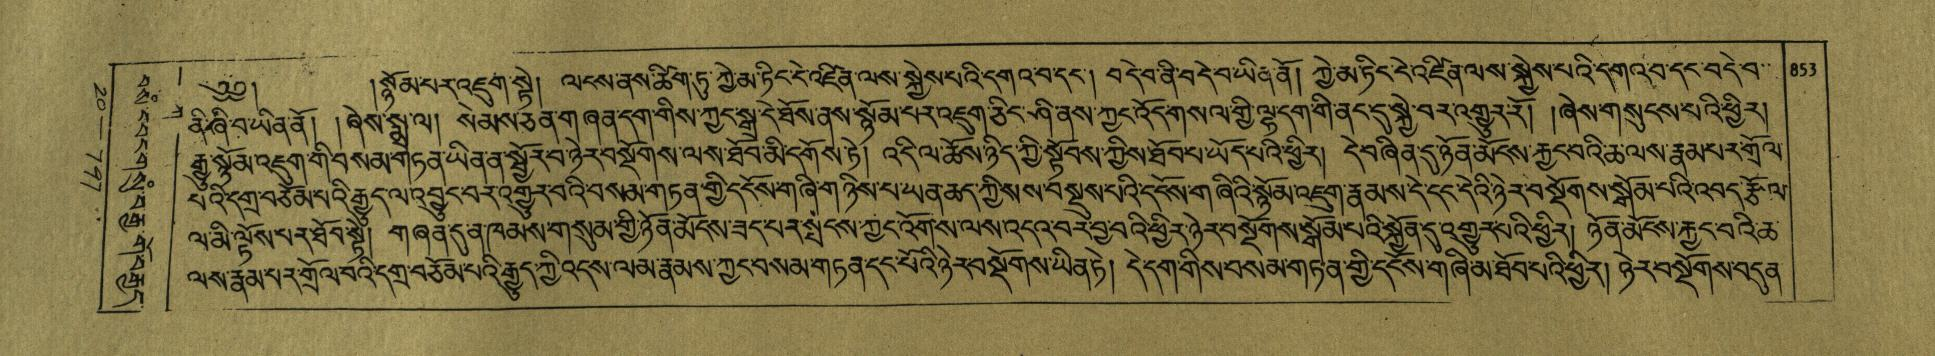༄༅། །སྙོམ་པར་འཇུག་སྟེ། ལངས་ནས་ཚིག་ཏུ་ཀྱེ་མ་ཏིང་ངེ་འཛིན་ལས་སྐྱེས་པའི་དགའ་བ་དང་། བདེ་བ་ནི་བདེ་བ་ཡིན་ནོ། ཀྱེ་མ་ཏིང་ངེ་འཛིན་ལས་སྐྱེས་པའི་དགའ་བ་དང་བདེ་བ་
ནི་ཞི་བ་ཡིན་ནོ། །ཞེས་སྨྲ་ལ། སེམས་ཅན་གཞན་དག་གིས་ཀྱང་སྒྲ་དེ་ཐོས་ནས་སྙོམ་པར་འཇུག་ཅིང་ཤི་ནས་ཀྱང་འོད་གསལ་གྱི་ལྷ་དག་གི་ནང་དུ་སྐྱེ་བར་འགྱུར་རོ། །ཞེས་གསུངས་པའི་ཕྱིར།
རྒྱུ་སྙོམ་འཇུག་གི་བསམ་གཏན་ཡིན་ན་སྦྱོར་བ་ཉེར་བསྡོགས་ལས་ཐོབ་མི་དགོས་ཏེ། འདི་ལ་ཆོས་ཉིད་ཀྱི་སྟོབས་ཀྱིས་ཐོབ་པ་ཡོད་པའི་ཕྱིར། དེ་བཞིན་དུ་ཉོན་མོངས་རྐྱང་བའི་ཆ་ལས་རྣམ་པར་གྲོལ་
པའི་དགྲ་བཅོམ་པའི་རྒྱུད་ལ་འབྱུང་བར་འགྱུར་བའི་བསམ་གཏན་གྱི་དངོས་གཞི་གཉིས་པ་ཡན་ཆད་ཀྱི་ས་བསྡུས་པའི་དངོས་གཞིའི་སྙོམ་འཇུག་རྣམས་དེ་དང་དེའི་ཉེར་བསྡོགས་སྒོམ་པའི་འབད་རྩོལ་
ལ་མི་ལྟོས་པར་ཐོབ་སྟེ། གཞན་དུ་ན་ཁམས་གསུམ་གྱི་ཉོན་མོངས་ཟད་པར་སྤངས་ཀྱང་འོག་ས་ལས་འདའ་བར་བྱ་བའི་ཕྱིར་ཉེར་བསྡོགས་སྒོམ་པའི་སྐྱོན་དུ་འགྱུར་བའི་ཕྱིར། ཉོན་མོངས་རྐྱང་བའི་ཆ་
ལས་རྣམ་པར་གྲོལ་བའི་དགྲ་བཅོམ་པའི་རྒྱུད་ཀྱི་འདས་ལམ་རྣམས་ཀྱང་བསམ་གཏན་དང་པོའི་ཉེར་བསྡོགས་ཡིན་ཏེ། དེ་དག་གིས་བསམ་གཏན་གྱི་དངོས་གཞི་མ་ཐོབ་པའི་ཕྱིར། ཉེར་བསྡོགས་བདུན་